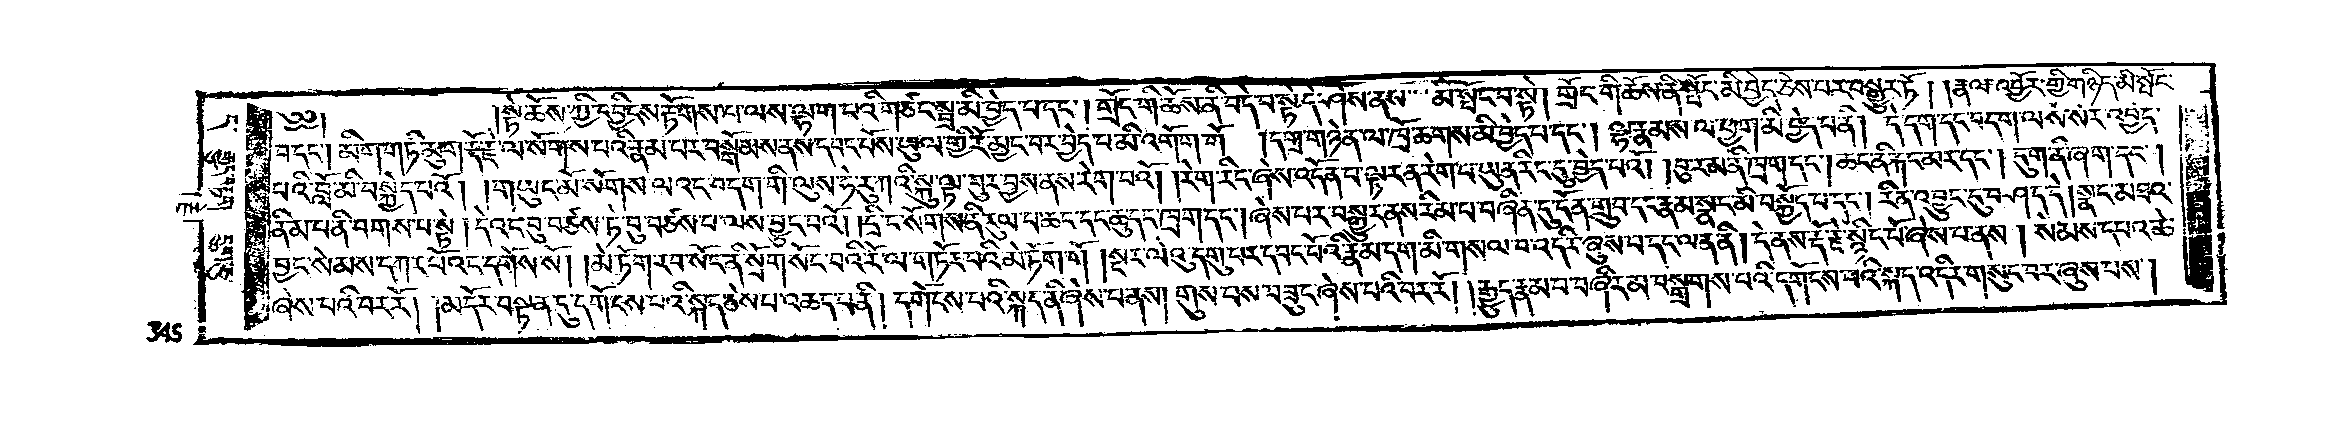༄༅། །སྟེ་ཆོས་ཀྱི་དབྱིངས་རྟོགས་པ་ལས་ལྷག་པའི་གཙང་སྦྲ་མི་བྱེད་པ་དང་། གྲོང་གི་ཆོས་ནི་བདེ་བ་སྟེ་དེ་ཤེས་ནས་མི་སྤོང་བ་སྟེ། གྲོང་གི་ཆོས་ནི་སྤོང་མི་བྱེད་ཅེས་པར་བསྒྱུར་ཏོ། །རྣལ་འབྱོར་གྱི་གཉིད་མི་སྤོང་
བ་དང་། མིག་གཏི་མུག་རྡོ་རྗེ་ལ་སོགས་པའི་རྣམ་པར་བསྒོམས་ནས་དབང་པོས་ཡུལ་གྱི་རོ་མྱང་བར་བྱེད་པ་མི་འགོག་གོ །དགྲ་གཉེན་ལ་ཁྲོ་ཆགས་མི་བྱེད་པ་དང་། ལྷ་རྣམས་ལ་ཕྱག་མི་བྱེད་པ་ནི། དེ་དག་དང་བདག་ལ་སོ་སོར་འབྱེད་
པའི་བློ་མི་བསྐྱེད་པའོ། །གཡུང་མོ་སོགས་ལའང་བདག་གི་ལུས་ཧེ་རུ་ཀའི་སྐུ་ལྟ་བུར་བྱས་ནས་རེག་པའོ། །རེག་རིང་ཞེས་འདོན་པ་ལྟར་ན་རེག་པ་ཡུན་རིང་དུ་བྱེད་པའོ། །བུ་རམ་ནི་ཁྲག་དང་། ཆང་ནི་རྐང་མར་དང་། དུག་ནི་ཞག་དང་།
ནིམ་པ་ནི་བགས་པ་སྟེ། དེའང་བུ་བཙས་ཏེ་བུ་བཙས་པ་ལས་བྱུང་བའོ། །དྲི་ང་སོགས་ནི་རུལ་པ་ཆང་དང་ཆུ་དང་ཁྲག་དང་། ཞེས་པར་བསྒྱུར་ནས་རིམ་པ་བཞིན་དུ་དོན་གྲུབ་དང་རྣམ་སྣང་མི་བསྐྱོད་པ་དང་། རིན་འབྱུང་དུ་བཤད་དེ། སྣང་མཐའ་
བྱང་སེམས་དཀར་པོའང་དགོས་སོ། །མེ་ཏོག་རབ་སོང་ནི་སྲོག་སོང་བའི་རོ་ལ་གཏོར་བའི་མེ་ཏོག་གོ །སྔར་ལེའུ་དགུ་པར་དབང་པོའི་རྣམ་དག་མི་གསལ་བ་འདིར་ཞུས་པ་དང་ལན་ནི། དེ་ནས་རྡོ་རྗེ་སྙིང་པོ་ཞེས་པ་ནས། སེམས་དཔའ་ཆེ་
ཞེས་པའི་བར་རོ། །མདོར་བསྟན་དུ་དགོངས་པའི་སྐད་ཅེས་པ་འཆད་པ་ནི། དགོངས་པའི་སྐད་ནི་ཞེས་པ་ནས། གུས་པས་བཟུང་ཞེས་པའི་བར་རོ། །རྒྱུད་རྣམ་པ་བཞིར་མ་བསྒྲགས་པའི་དགོངས་པའི་སྐད་འདིར་གསུང་བར་ཞུས་པས།